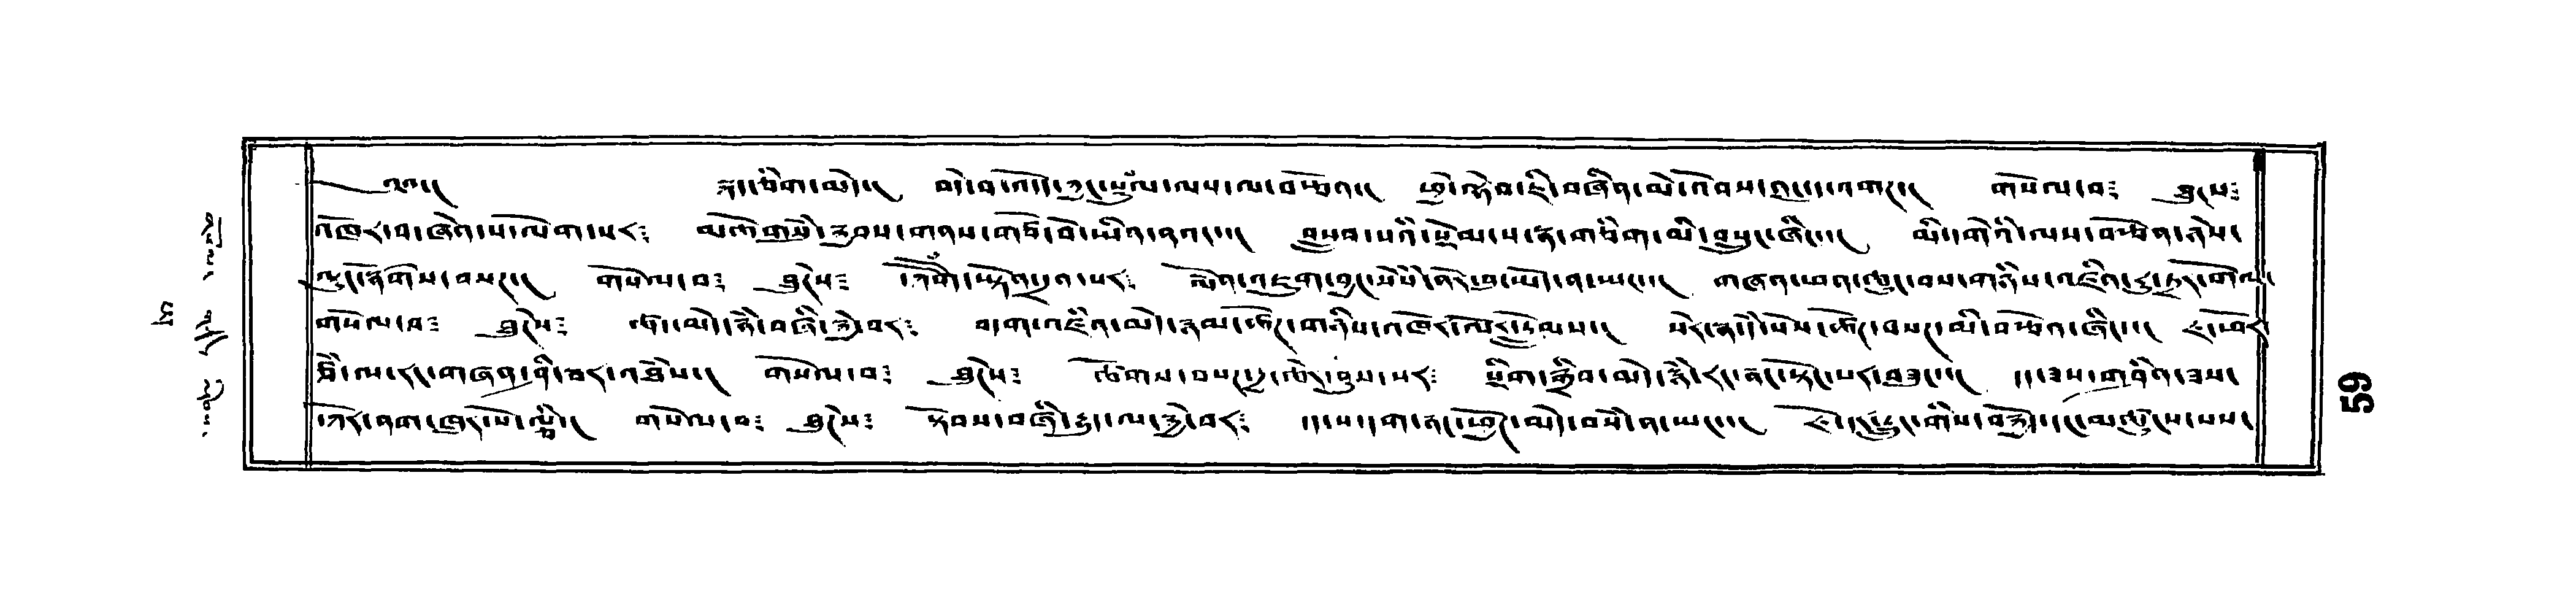སྐད་ཅིག་མེད། །བདེ་བ་འདོད་ཀྱང་སྡུག་བསྔལ་ལས་ལ་བརྩོན། །ཕྱེ་ལྷེབ་ཇི་བཞིན་མེ་འོབས་ནང་དུ་འགགས། །གསོལ་བ༴ ཐུགས་རྗེས༴ 
འཁོར་བ་ཞེན་པ་ལོག་པར༴ མཆོག་གསུམ་སྐྱབས་གནས་གཙོ་བོ་ཡིན་ནའང་། །བསླབ་པའི་སྡོམ་པ་སྣ་གཅིག་མི་བསྲུང་ཞིང་། །མི་དགེའི་ལས་བརྩོན་ཉེས་
ལྟུང་སྣ་ཚོགས་བསགས། །གསོལ་བ༴ ཐུགས་རྗེས༴ དཀོན་མཆོག་ཡོན་ཏན་དྲན་པར༴ སྨོན་འཇུག་བྱང་སེམས་ནོར་བུ་ཡོད་ན་ཡང་། །གཞན་ཕན་ཆུང་བས་གཉིས་འཛིན་རུ་ཏྲར་གོལ། །
གསོལ་བ༴ ཐུགས་རྗེས༴ ཚད་མེད་རྣམ་བཞི་སྐྱེ་བར༴ བདག་འཛིན་མེད་སྙམ་ཚོགས་གཉིས་འཁོར་ལོར་རློམས། །སེར་སྣ་དམ་པོས་ཚོགས་བསགས་མི་བརྩོན་ཞིང་། ཇ་ཕོར་
ཙམ་ལ་རང་གཞན་ཤི་སྦར་འཐམས། །གསོལ་བ༴ ཐུགས་རྗེས༴ཚོགས་བསགས་རྒྱ་ཆེར་ནུས་པར༴ སྡིག་སྒྲིབ་མེད་སྙམ་རང་སྣང་སྟོང་པར་བཟུང་། །དད་ཟས་གཤིན་ཟས་
དཀོར་ནག་ཁུར་པོ་ལྕི། །གསོལ་བ༴ ཐུགས་རྗེས༴ སྟོབས་བཞི་རྒྱུད་ལ་སྐྱེ་བར༴ དད་པ་དག་སྣང་ཕྱོགས་མེད་བསམ་ན་ཡང་། །ཇོ་དར་རླུང་གིས་བསྐྱོད་དང་མཚུངས་པས་